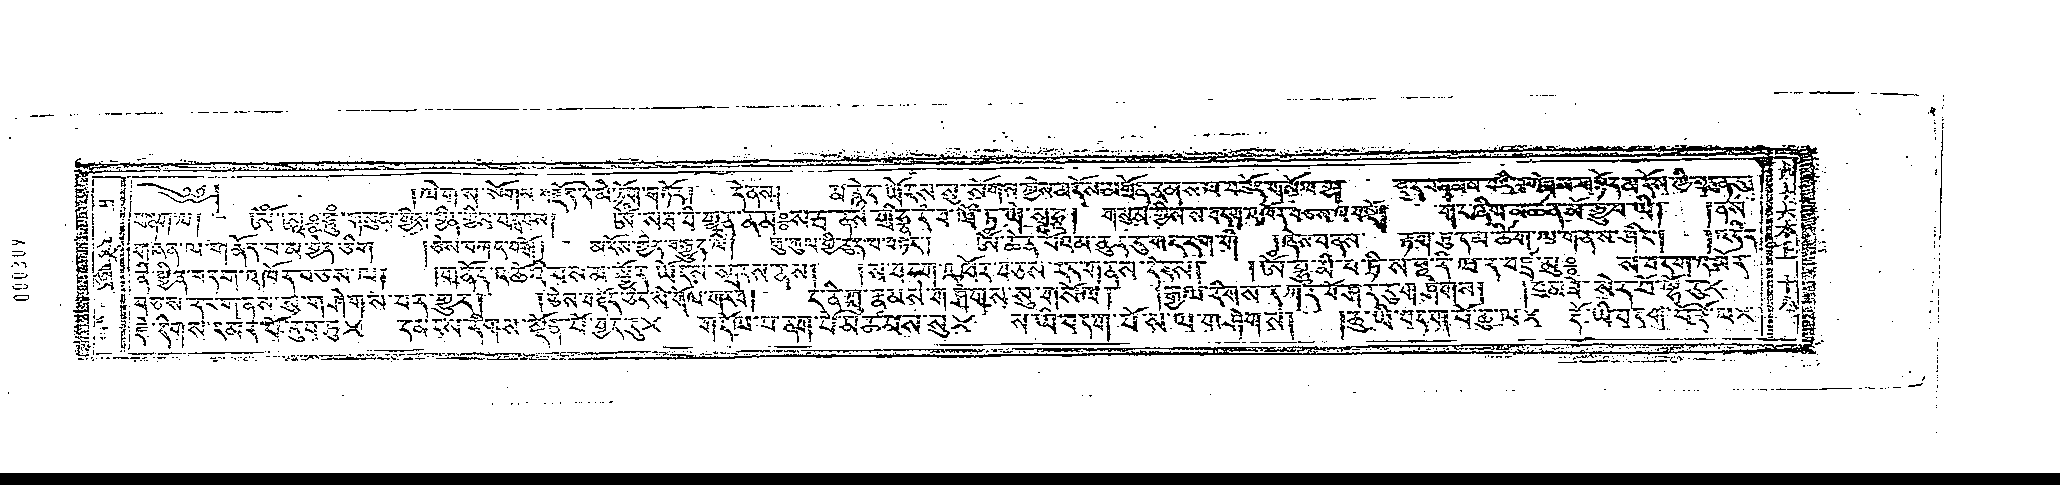༄༅། །ལེགས་སོགས་བརྗོད་དེ་མེ་ཏོག་གཏོར། དེ་ནས། མ་རྙེད་ཡོངས་སུ་སོགས་ཀྱིས་མངོས་མགྲོན་རྣམས་ལ་བཟོད་གསོལ་བྱ། སྔར་བཤམས་པའི་བགེགས་གཏོར་མངོས་ཀྱི་མདུན་དུ་
བཞག་ལ། ཨོཾ་ཨཱཿ་ཧཱུཾ་གསུམ་གྱིས་བྱིན་གྱིས་བརླབས། ཨོཾ་སརྦ་བི་གྷྣན་ན་མཿ་སརྦ་ནས་གྲིཧྣ་དཾ་པ་ལིཾ་ཏ་ཡེ་སྭཱཧཱ། གསུམ་གྱིས་ས་བདག་འཁོར་བཅས་ལ་བསྔོ། གང་ཞིག་མཚན་མོ་རྒྱུ་བ་ཡི། །ནས་
གཞན་ལ་གནོད་པ་མ་བྱེད་ཅིག་ཅེས་བཀའ་བསྒོ། མངོས་ཕྱིར་བསྒྱུར་ལ། གུ་གུལ་གྱི་དུད་པ་བཏང་། ཨོཾ་ཆེན་པོའམ་ཆུང་དུ་གང་དག་གི །ཞེས་པ་ནས་རྟག་ཏུ་དམ་ཚིག་ལ་གནས་ཤིང་། །འདིར་
ནི་སྤྱིན་བདག་འཁོར་བཅས་ལ། །གནོད་འཚེའི་བསམ་སྦྱོར་ཡོངས་སྤངས་ནས། །ས་བདག་འཁོར་བཅས་རང་གནས་དེངས། །ཨོཾ་བྷུ་མི་པ་ཏི་ས་པཱ་རི་ཝ་ར་བཛྲ་མུཿ་ས་བདག་འཁོར་
བཅས་དང་གནས་སུ་གཤེགས་པར་གྱུར། །ཅེས་བརྗོད་ཅིང་སེ་གོལ་གདབ། ད་ནི་ཀླུ་རྣམས་གཤེགས་སུ་གསོལ། །རྒྱལ་རིགས་དཀར་པོ་ཤར་དུ་གཤེགས། །བྲམ་ཟེ་སེར་པོ་ལྷོ་རུ་྾་
རྗེ་རིགས་དམར་པོ་ནུབ་ཏུ་྾་དམངས་རིགས་སྔོན་པོ་བྱད་དུ་྾་གདོལ་པ་ནག་པོ་མཚམས་སུ་྾་ས་ཡི་བདག་པོ་ས་ལ་གཤེགས། །ཆུ་ཡི་བདག་པོ་ཆུ་ལ་྾་རྡོ་ཡི་བདག་པོ་རྡོ་ལ་྾་